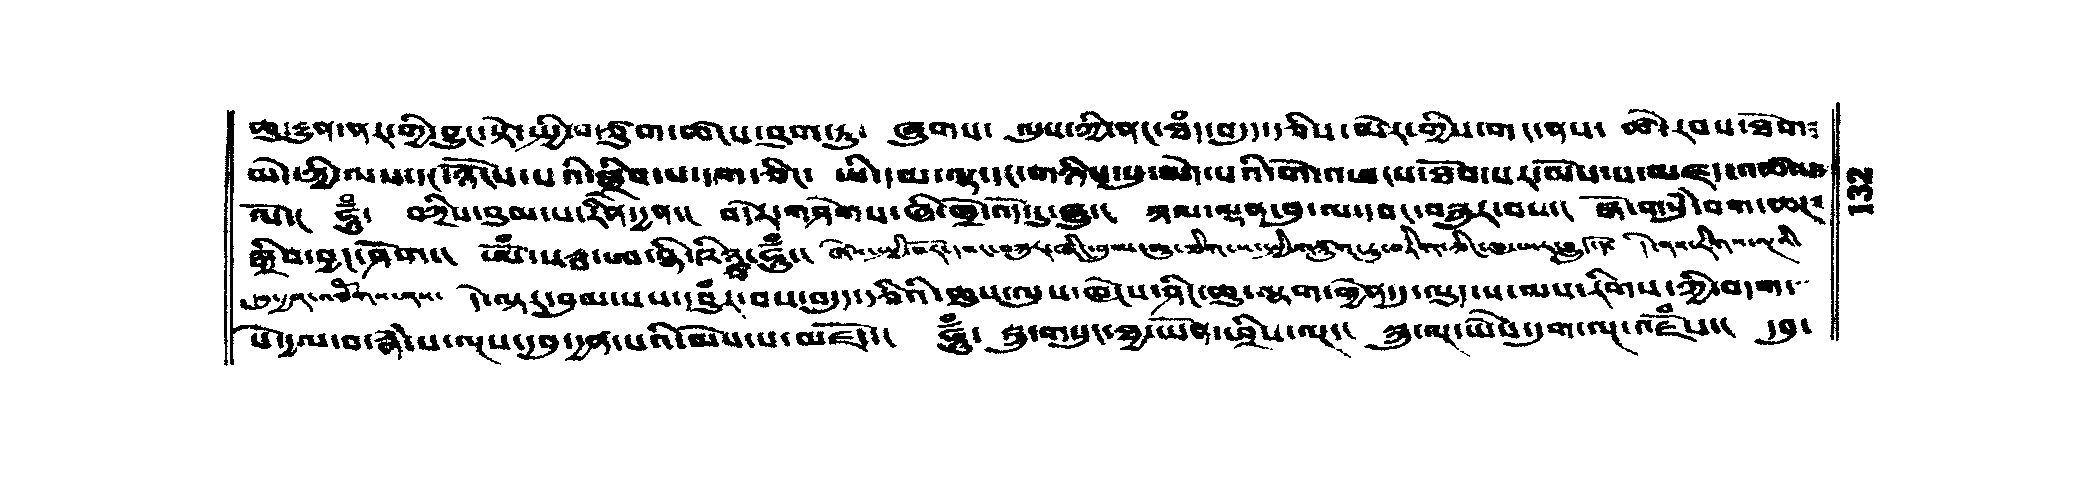ཆུ་རྒྱུན་ནར་གྱི་བྱུང་སྟེ་སྤྱི་གཙུག་ཚངས་བུག་ཏུ།ཞུགས། ལུས་ཀྱི་ནང་ཐམས་ཅད་བདུད་རྩིས་མེར་གྱིས་གང་ནས། ཚེ་རབས་ཐོག་མེད་
ཀྱི་ལས་དང་ཉོན་མོངས་པའི་སྒྲིབ་པ་དག་ཅིང་། ཡི་དམ་ལྷ་དང་གཉིས་སུ་མེད་པའི་གོ་འཕང་ཐོབ་པར་མོས་པ་མཛད་འཚལ་
ལོ། ཧཱུྃ། བཀྲ་ཤིས་བུམ་པ་རིན་རྒྱན། བདེ་གཤེགས་ཞི་ཁྲོ་འོད་དུ་ཞུ། སྐལ་ལྡན་བུ་ལ་དབང་བསྐུར་བས། སྒོ་གསུམ་བག་ཆགས་
སྒྲིབ་བྱང་ཤོག ཨོཾ་སརྦ་ཨ་བྷི་རིཉྩ་ཧཱུྃ། ཞེས་སྤྱི་བོར་དབང་བསྐུར་ཞིང་བུམ་ཆུ་ཐིག་པ་སྤྱི་གཙུག་རུ་བཏིག་ཅིང་ཁྱད་པར་བླུད་དོ། དེ་ནས་རིགས་ལྔའི་
དབུ་རྒྱན་འཐོགས་ནས། དེ་ལྟར་བུམ་པས་དབང་བསྐུར་བས་བདུད་རྩིའི་ཆུས་ལུས་ཁེངས་ཤིང་ཆུ་ལྷག་གྱེན་དུ་ལུད་པ་ལས་རིམས་ཀྱི་བདག་
པོ་རྒྱལ་བ་རྣམ་པ་ལྔས་དབུ་རྒྱན་པའི་མོས་པ་མཛོད། ཧཱུྃ། སྐུ་གསུང་ཐུགས་ཡོན་ཕྲིན་ལས་ལྔ། སྐུ་ལྔ་ཡེ་ཤེས་དུག་ལྔ་འཛོམས། དབུ་